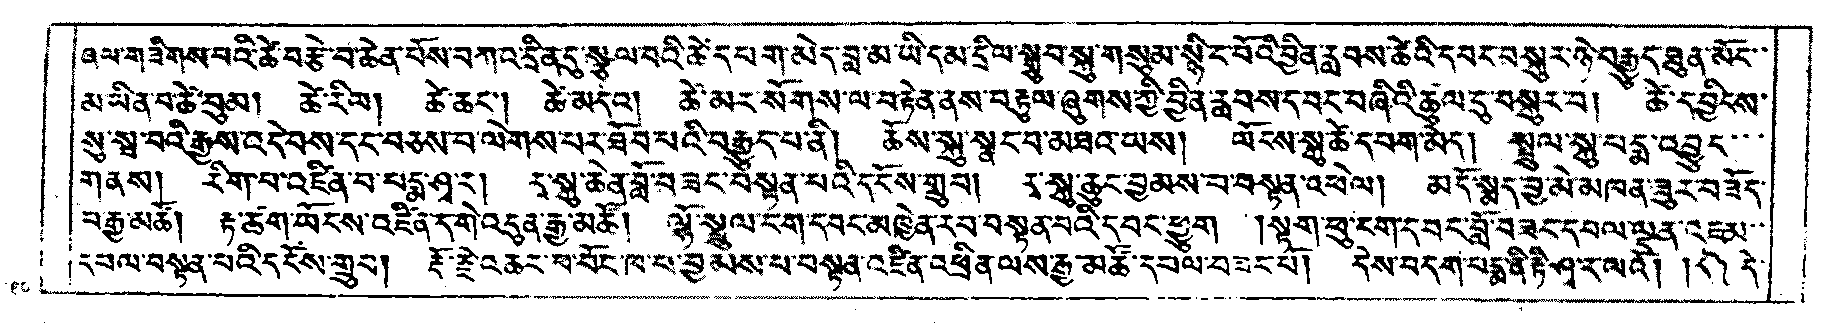ཞལ་གཟིགས་པའི་ཚེ་བརྩེ་བ་ཆེན་པོས་བཀའ་དྲིན་དུ་སྩལ་བའི་ཚེ་དཔག་མེད་བླ་མ་ཡི་དམ་དྲིལ་སྒྲུབ་སྐུ་གསུམ་སྙིང་པོའི་བྱིན་རླབས་ཚེའི་དབང་བསྐུར་ཉེ་བརྒྱུད་ཐུན་མོང་
མ་ཡིན་པ་ཚེ་བུམ། ཚེ་རིལ། ཚེ་ཆང་། ཚེ་མདའ། ཚེ་མར་སོགས་ལ་བརྟེན་ནས་བརྟུལ་ཞུགས་ཀྱི་བྱིན་རླབས་དབང་བཞིའི་ཚུལ་དུ་བསྐུར་བ། ཚེ་དབྱིངས་
སུ་སྦ་བའི་རྒྱས་འདེབས་དང་བཅས་པ་ལེགས་པར་ཐོབ་པའི་བརྒྱུད་པ་ནི། ཆོས་སྐུ་སྣང་བ་མཐའ་ཡས། ལོངས་སྐུ་ཚེ་དཔག་མེད། སྤྲུལ་སྐུ་པདམ་འབྱུང་
གནས། རིག་པ་འཛིན་པ་པདམ་ཤྭ་ར། རྭ་སྐུ་ཆེན་བློ་བཟང་བསྟན་པའི་དངོས་གྲུབ། རྭ་སྐུ་ཆུང་བྱམས་པ་བསྟན་འཕེལ། མདོ་སྨད་བྱ་མེ་མཁན་ཟུར་བཟོད་
པ་རྒྱ་མཚོ། རྟ་ཚག་ཡོངས་འཛིན་དགེ་འདུན་རྒྱ་མཚོ། ལྷོ་སྤྲུལ་ངག་དབང་མཁྱེན་རབ་བསྟན་པའི་དབང་ཕྱུག །སྟག་ཕུ་ངག་དབང་བློ་བཟང་དཔལ་ལྡན་འཇམ་
དཔལ་བསྟན་པའི་དངོས་གྲུབ། རྡོ་རྗེ་འཆང་ཕ་བོང་ཁ་པ་བྱམས་པ་བསྟན་འཛིན་འཕྲིན་ལས་རྒྱ་མཚོ་དཔལ་བཟང་པོ། དེས་བདག་པདམ་ནི་རྟི་ཤྭ་ར་ལའོ། །༨?་དེ་